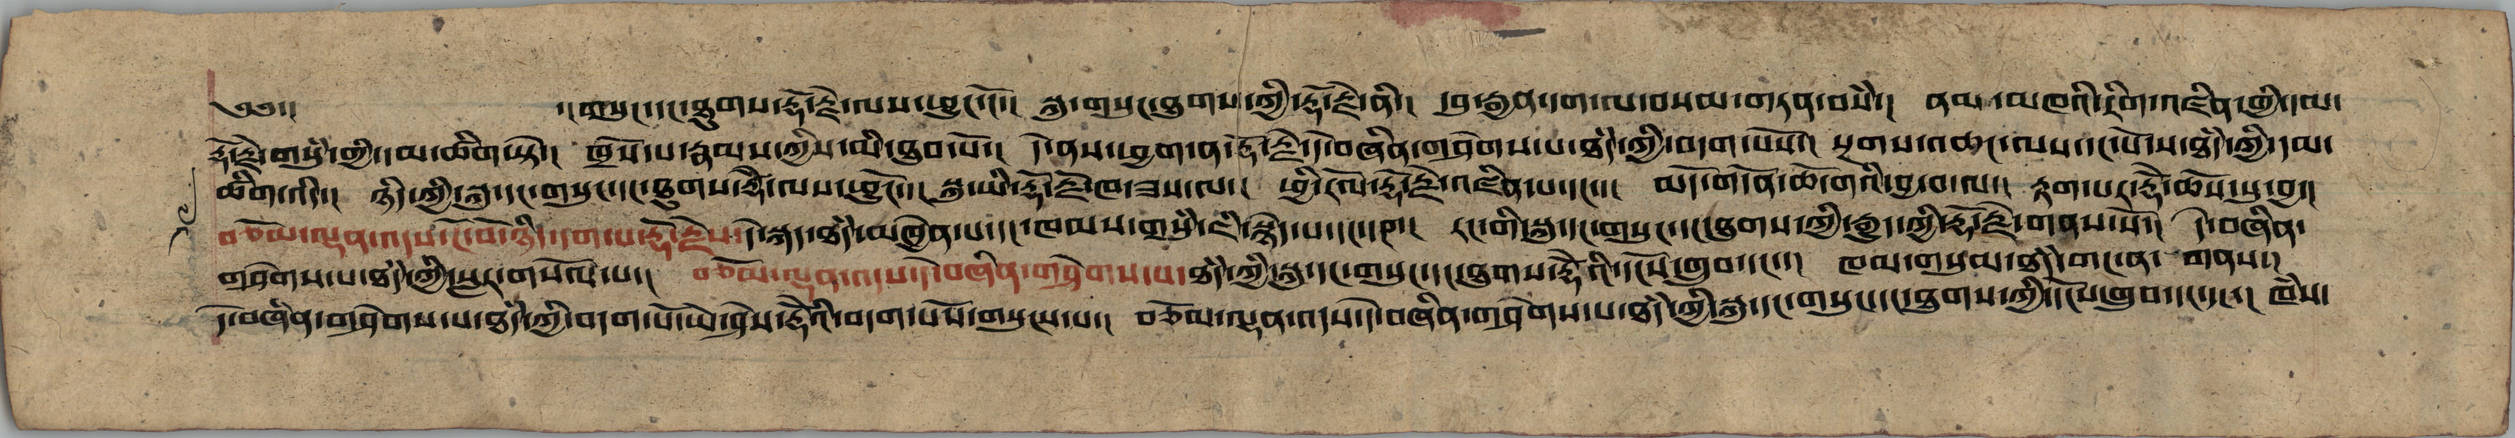༄༅་། ་།གསུང་དང་ཐུགས་རྡོ་རྗེ་ལས་ཕྱུང་ངོ་་། སྐུ་གསུང་ཐུགས་ཀྱི་རྡོ་རྗེ་ནི་། དབུ་རྒྱན་དག་ལ་བསམ་གཏན་བསཾ་། ནམ་མཁའི་རིག་འཛིན་གྱི་དམ་
རྡོ་རྗེ་གསུཾ་གྱི་དམ་ཚིག་སྟེ་། ཁྲོས་པ་རྣམས་ཀྱིས་མི་ཐུབ་པོ་། དེ་ནས་ཕྱག་ན་རྡོ་རྗེ་དེ་བཞིན་གཤེགས་པ་ཐཾད་ཀྱི་བདག་པོས་། སྔགས་འཆང་ལས་དང་པོ་ས་ཐཾད་ཀྱི་དམ་
ཚིག་འདི་། ཉིད་ཀྱི་སྐུ་དང་གསུང་དང་ཐུགས་རྡོེ་ལས་ཕྱུངོ་་། སྐུ་ཡི་རྡོ་རྗེ་ཁ་ཟས་ལ་། ཕྱི་རོལ་རྡོ་རྗེ་འཛིན་པ་དང་་། མདོ་གདོན་ཆོ་གའི་བྱ་བ་ལ་། རྟག་པར་རྡོེ་ཆོས་སུ་བྱ་།
བཅོམ་ལྡན་འདས་ངོ་བོ་ཉིད་དག་པ་རྡོ་རྗེས་དེ་སྐད་ཐཾད་མཁྱེན་པ་དང་ཁམས་གསུཾ་ཇི་སྙེད་པ་དང་་། རང་གི་སྐུ་དང་གསུང་དང་ཐུགས་ཀྱི་རྒྱུད་ཀྱི་རྡོ་རྗེ་གནས་སོ་། དེ་བཞིན་
གཤེགས་པ་ཐཾད་ཀྱི་སླར་གསོལ་པ་། བཅོམ་ལྡན་འདས་དེ་བཞིན་གཤེགས་པ་ཐཾད་ཀྱི་སྐུ་དང་གསུང་དང་ཐུགས་རྡོེའི་དངོས་གྲུབ་དང་་། ཁམས་གསུམ་ཐྃད་གང་ན་ གནས་།
དེ་བཞིན་གཤེགས་པ་ཐཾད་ཀྱི་བདག་པོ་ཡེ་ཤེས་རྡོེའི་བདག་པོས་གསུངས་པ་། བཅོམ་ལྡན་འདས་དེ་བཞིན་གཤེགས་པ་ཐཾད་ཀྱི་སྐུ་དང་གསུང་དང་ཐུགས་ཀྱི་དངོས་གྲུབ་དང་དང་། ཁཾས་